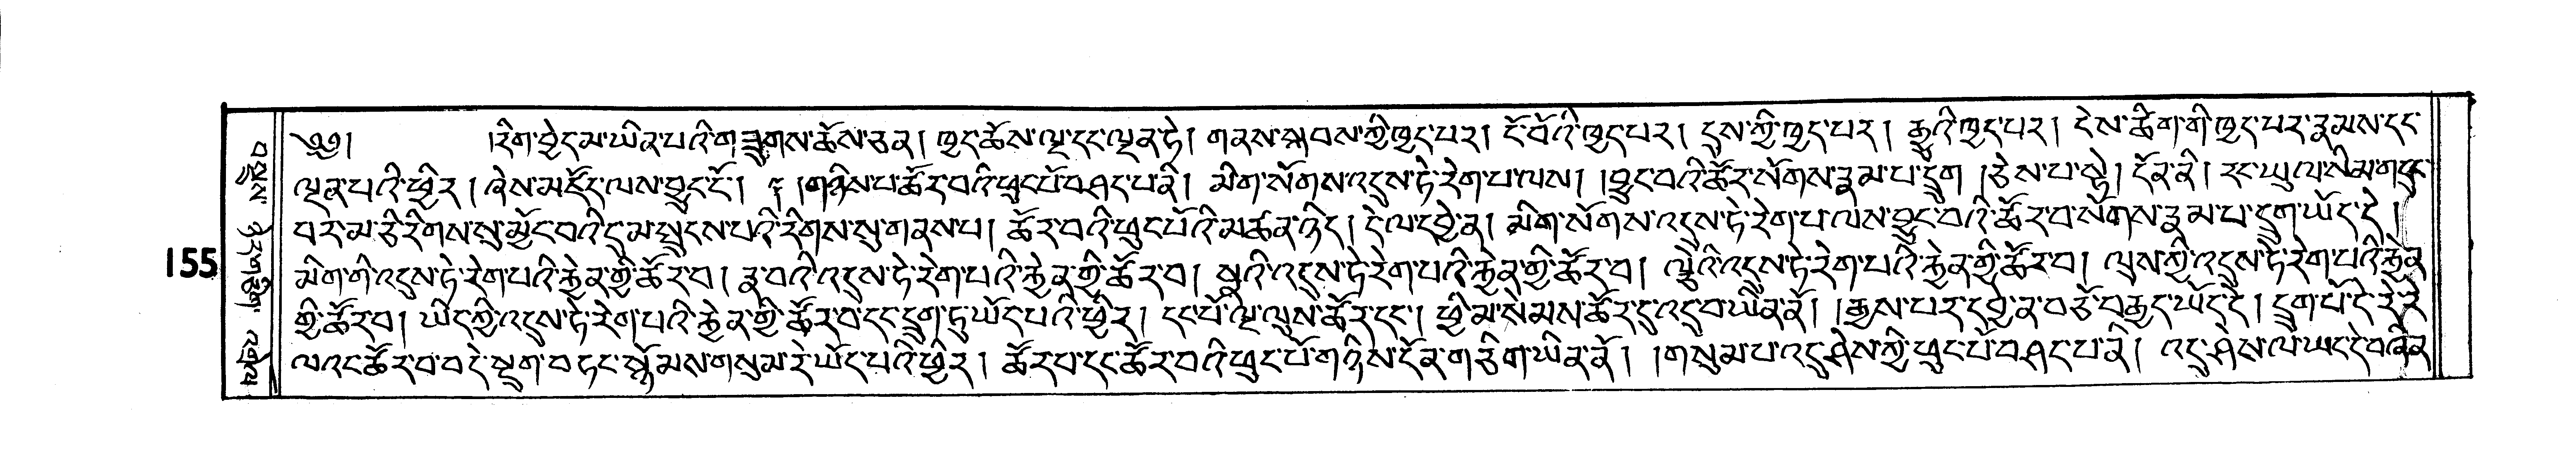༄༅། །རིག་བྱེད་མ་ཡིན་པའི་གཟུགས་ཆོས་ཅན། ཁྱད་ཆོས་ལྔ་དང་ལྡན་ཏེ། གནས་སྐབས་ཀྱི་ཁྱད་པར། ངོ་བོའི་ཁྱད་པར། དུས་ཀྱི་ཁྱད་པར། རྒྱུའི་ཁྱད་པར། དེས་ཚིག་གི་ཁྱད་པར་རྣམས་དང་
ལྡན་པའི་ཕྱིར། ཞེས་མཛོད་ལས་བྱུང་ངོ། ༈ །གཉིས་པ་ཚོར་བའི་ཕུང་པོ་བཤད་པ་ནི། མིག་སོགས་འདུས་ཏེ་རེག་པ་ལས། །བྱུང་བའི་ཚོར་སོགས་རྣམ་པ་དྲུག །ཅེས་པ་སྟེ། དོན་ནི། རང་ཡུལ་སིམ་གདུང་
བར་མ་ཅི་རིགས་སུ་མྱོང་བའི་དུ་མ་སྤུངས་པའི་རིགས་སུ་གནས་པ། ཚོར་བའི་ཕུང་པོའི་མཚན་ཉིད། དེ་ལ་དབྱེ་ན། མིག་སོགས་འདུས་ཏེ་རེག་པ་ལས་བྱུང་བའི་ཚོར་བ་སོགས་རྣམ་པ་དྲུག་ཡོད་དེ།
མིག་གི་འདུས་ཏེ་རེག་པའི་རྐྱེན་གྱི་ཚོར་བ། རྣ་བའི་འདུས་ཏེ་རེག་པའི་རྐྱེན་གྱི་ཚོར་བ། སྣའི་འདུས་ཏེ་རེག་པའི་རྐྱེན་གྱི་ཚོར་བ། ལྕེའི་འདུས་ཏེ་རེག་པའི་རྐྱེན་གྱི་ཚོར་བ། ལུས་ཀྱི་འདུས་ཏེ་རེག་པའི་རྐྱེན་
གྱི་ཚོར་བ། ཡིད་ཀྱི་འདུས་ཏེ་རེག་པའི་རྐྱེན་གྱི་ཚོར་བ་དང་དྲུག་ཏུ་ཡོད་པའི་ཕྱིར། དང་པོ་ལྔ་ལུས་ཚོར་དང་། ཕྱི་མ་སེམས་ཚོར་དུ་འདུ་བ་ཡིན་ནོ། །རྒྱས་པར་དབྱེ་ན་བཅོ་བརྒྱད་ཡོད་དེ། དྲུག་པོ་དེ་རེ་རེ་
ལའང་ཚོར་བ་བདེ་སྡུག་བཏང་སྙོམས་གསུམ་རེ་ཡོད་པའི་ཕྱིར། ཚོར་བ་དང་ཚོར་བའི་ཕུང་པོ་གཉིས་དོན་གཅིག་ཡིན་ནོ། །གསུམ་པ་འདུ་ཤེས་ཀྱི་ཕུང་པོ་བཤད་པ་ནི། འདུ་ཤེས་ལ་ཡང་དེ་བཞིན་